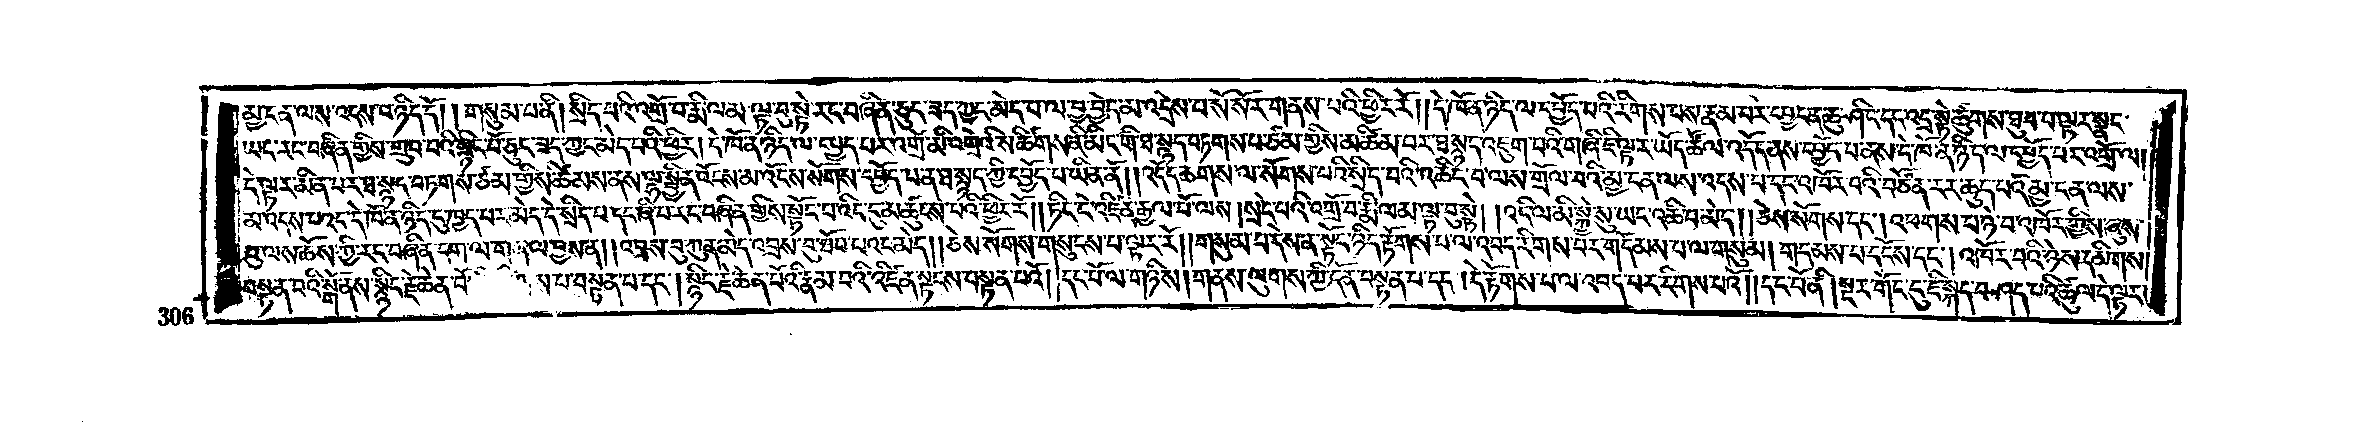མྱ་ངན་ལས་འདས་པ་ཉིད་དོ། །གསུམ་པ་ནི། སྲིད་པའི་འགྲོ་བ་རྨི་ལམ་ལྟ་བུ་སྟེ་རང་བཞིན་ཅུང་ཟད་ཀྱང་མེད་པ་ལ་བྱ་བྱེད་མ་འདྲེས་པ་སོ་སོར་གནས་པའི་ཕྱིར་རོ། །དེ་ཁོ་ན་ཉིད་ལ་དཔྱོད་པའི་རིགས་པས་རྣམ་པར་དཔྱད?་ན་ཆུ་ཤིང་དང་འདྲ་སྟེ་ཚུགས་ཐུབ་པ་ལྟར་སྣང་
ཡང་རང་བཞིན་གྱིས་གྲུབ་པའི་སྙིང་པོ་ཅུང་ཟད་ཀྱང་མེད་པའི་ཕྱིར། དེ་ཁོ་ན་ཉིད་ལ་དཔྱད་པར་འགྲོ་མི་འགྲོའི་ས་ཚིགས་ནི་མིང་གི་ཐ་སྙད་བཏགས་པ་ཙམ་གྱིས་མ་ཚིམ་པར་ཐ་སྙད་འཇུག་པའི་གཞི་ཇི་ལྟར་ཡོད་ཚོལ་འདོད་ནས་དཔྱོད་པ་ནས་དེ་ཁོ་ན་ཉིད་ལ་དཔྱོད་པར་འགྲོ་ལ།
དེ་ལྟར་མིན་པར་ཐ་སྙད་བཏགས་ཙམ་གྱིས་ཚེམས་ནས་ལྷ་སྦྱིན་འོངས་མ་འོངས་སོགས་དཔྱོད་པ་ན་ཐ་སྙད་ཀྱི་དཔྱོད་པ་ཡིན་ནོ། །འདོད་ཆགས་ལ་སོགས་པའི་སྲིད་པའི་འཆིད?་པ་ལས་གྲོལ་བའི་མྱ་ངན་ལས་འདས་པ་དང་འཁོར་བའི་བཙོན་རར་ཆུད་པའོ་མྱ་ངན་ལས་
མ་འདས་པའང་དེ་ཁོ་ན་ཉིད་དུ་ཁྱད་པར་མེད་དེ་སྲིད་པ་དང་ཞི་བ་རང་བཞིན་གྱིས་སྟོང་པ་འདི་དུ་མཚུངས་པའི་ཕྱིར་རོ། །ཏིང་ངེ་འཛིན་རྒྱལ་པོ་ལས། སྲེད་པའི་འགྲོ་བ་རྨི་ལམ་ལྟ་བུ་སྟེ། །འདི་ལ་མི་སྐྱེ་སུ་ཡང་འཆི་བ་མེད། །ཅེས་སོགས་དང་། འཕགས་པ་ཉེ་བ་འཁོར་གྱིས་ཞུས་
བུ་ལས་ཆོས་ཀྱི་རང་ཞིན་དག་ལ་གཞལ་བྱས་ན། །འབྲས་བུ་ཀུན་མེད་འབྲས་བུ་ཐོབ་པའང་མེད། །ཅེས་སོགས་གསུངས་པ་ལྟར་རོ། །གསུམ་པ་དེས་ན་སྟོང་ཉིད་རྟོགས་པ་ལ་འབད་རིགས་པར་གདོམས་པ་ལ་གསུམ། གདམས་པ་དངོས་དང་། འཁོར་བའི་ཉེས་དམིགས་
བསྟན་པའི་སྒོ་ནས་སྙིང་རྗེ་ཆེན་པོའི་གཉིས?་པ་བསྟན་པ་དང་། སྙིང་རྗེ་ཆེན་པོའི་རྣམ་པའི་འཛིན་སྟངས་བསྟན་པའོ། །དང་པོ་ལ་གཉིས། གནས་ལུགས་ཀྱི་དོན་བསྟན་པ་དང་། དེ་རྟོགས་པ་ལ་འབད་པར་རིགས་པའོ། །དང་པོ་ནི། སྔར་གོང་དུ་ཇི་སྐད་བཤད་པའི་ཚུལ་དེ་ལྟར་